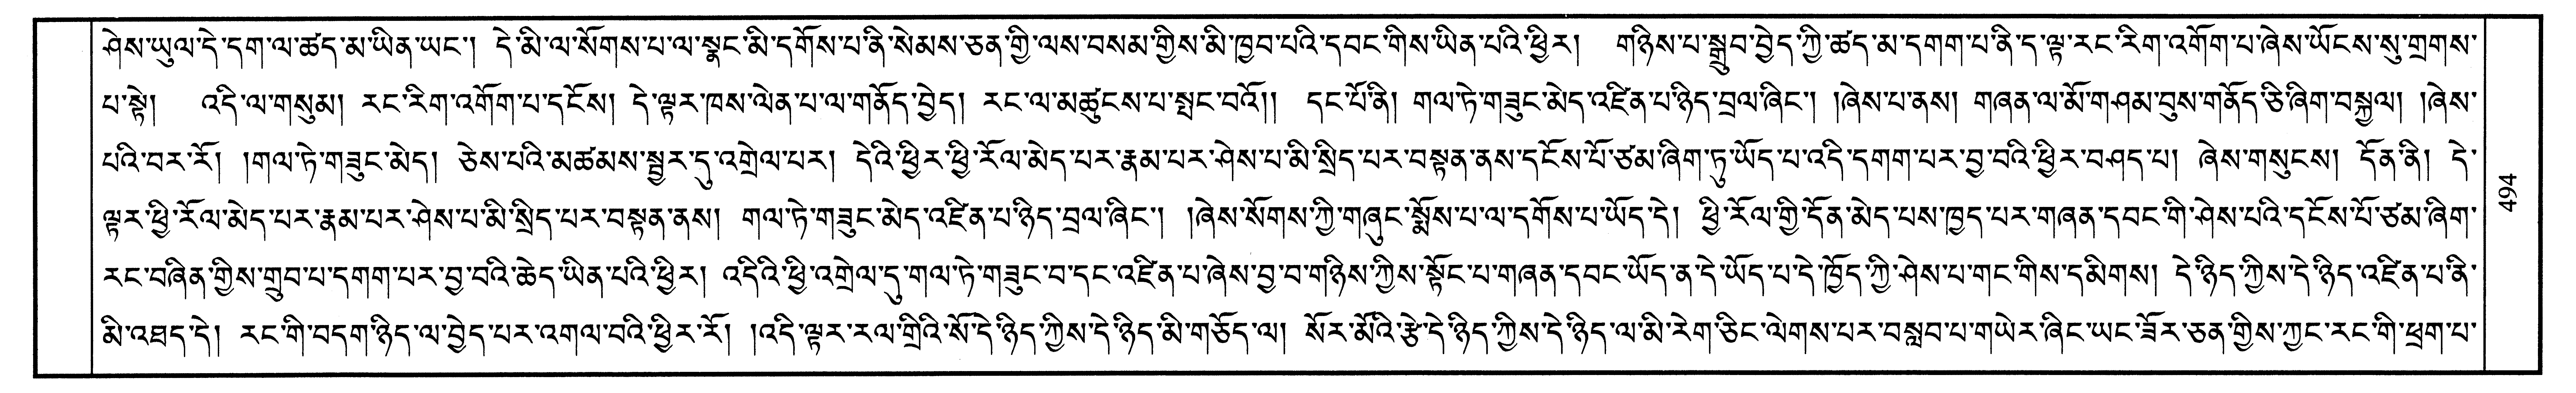ཤེས་ཡུལ་དེ་དག་ལ་ཚད་མ་ཡིན་ཡང་། དེ་མི་ལ་སོགས་པ་ལ་སྣང་མི་དགོས་པ་ནི་སེམས་ཅན་གྱི་ལས་བསམ་གྱིས་མི་ཁྱབ་པའི་དབང་གིས་ཡིན་པའི་ཕྱིར། གཉིས་པ་སྒྲུབ་བྱེད་ཀྱི་ཚད་མ་དགག་པ་ནི་ད་ལྟ་རང་རིག་འགོག་པ་ཞེས་ཡོངས་སུ་གྲགས་
པ་སྟེ། འདི་ལ་གསུམ། རང་རིག་འགོག་པ་དངོས། དེ་ལྟར་ཁས་ལེན་པ་ལ་གནོད་བྱེད། རང་ལ་མཚུངས་པ་སྤང་བའོ།། དང་པོ་ནི། གལ་ཏེ་གཟུང་མེད་འཛིན་པ་ཉིད་བྲལ་ཞིང་། །ཞེས་པ་ནས། གཞན་ལ་མོ་གཤམ་བུས་གནོད་ཅི་ཞིག་བསྐྱལ། །ཞེས་
པའི་བར་རོ། །གལ་ཏེ་གཟུང་མེད། ཅེས་པའི་མཚམས་སྦྱར་དུ་འགྲེལ་པར། དེའི་ཕྱིར་ཕྱི་རོལ་མེད་པར་རྣམ་པར་ཤེས་པ་མི་སྲིད་པར་བསྟན་ནས་དངོས་པོ་ཙམ་ཞིག་ཏུ་ཡོད་པ་འདི་དགག་པར་བྱ་བའི་ཕྱིར་བཤད་པ། ཞེས་གསུངས། དོན་ནི། དེ་
ལྟར་ཕྱི་རོལ་མེད་པར་རྣམ་པར་ཤེས་པ་མི་སྲིད་པར་བསྟན་ནས། གལ་ཏེ་གཟུང་མེད་འཛིན་པ་ཉིད་བྲལ་ཞིང་། །ཞེས་སོགས་ཀྱི་གཞུང་སྨོས་པ་ལ་དགོས་པ་ཡོད་དེ། ཕྱི་རོལ་གྱི་དོན་མེད་པས་ཁྱད་པར་གཞན་དབང་གི་ཤེས་པའི་དངོས་པོ་ཙམ་ཞིག་
རང་བཞིན་གྱིས་གྲུབ་པ་དགག་པར་བྱ་བའི་ཆེད་ཡིན་པའི་ཕྱིར། འདིའི་ཕྱི་འགྲེལ་དུ་གལ་ཏེ་གཟུང་བ་དང་འཛིན་པ་ཞེས་བྱ་བ་གཉིས་ཀྱིས་སྟོང་པ་གཞན་དབང་ཡོད་ན་དེ་ཡོད་པ་དེ་ཁྱོད་ཀྱི་ཤེས་པ་གང་གིས་དམིགས། དེ་ཉིད་ཀྱིས་དེ་ཉིད་འཛིན་པ་ནི་
མི་འཐད་དེ། རང་གི་བདག་ཉིད་ལ་བྱེད་པར་འགལ་བའི་ཕྱིར་རོ། །འདི་ལྟར་རལ་གྲིའི་སོ་དེ་ཉིད་ཀྱིས་དེ་ཉིད་མི་གཅོད་ལ། སོར་མོའི་རྩེ་དེ་ཉིད་ཀྱིས་དེ་ཉིད་ལ་མི་རེག་ཅིང་ལེགས་པར་བསླབ་པ་གཡེར་ཞིང་ཡང་ཟོར་ཅན་གྱིས་ཀྱང་རང་གི་ཕྲག་པ་